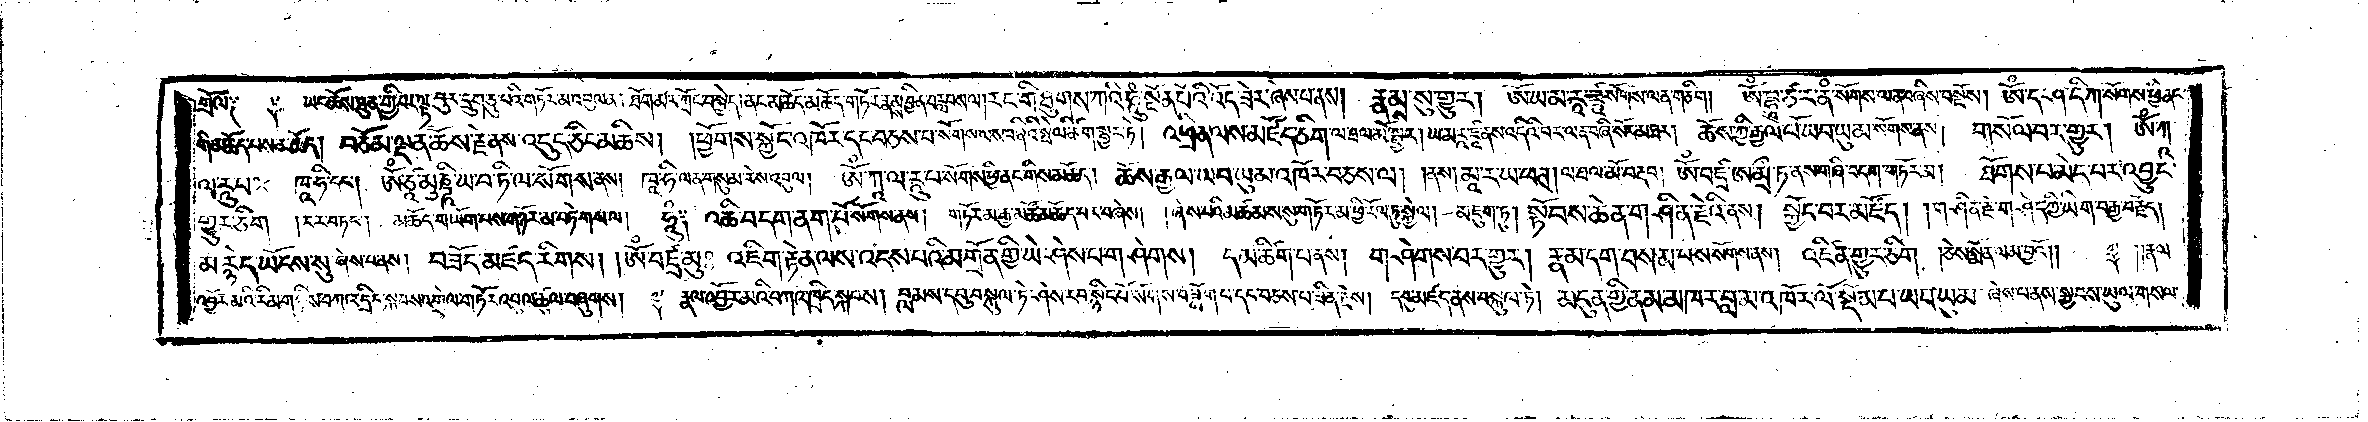གྲོལ༑ ༈ ཡང་ཆོས་ཐུན་གྱི་བར་ལྟ་བུར་དྲུག་ཅུ་པའི་གཏོར་མ་འབུལ་ན། ཐོག་མར་ཀྲོང་བསྐྱེད། ནང་མཆོད་མཆོད་གཏོར་རྣམས་བྱིན་བརླབས་ལ། རང་གི་ཐུགས་ཀའི་ཧཱུཾ་སྔོན་པོའི་འོད་ཟེར་ཞེས་པ་ནས། རྣམས་སུ་གྱུར། ཨོཾ་ཡ་མ་རཱ་ཛཱ་སོགས་ལན་གཅིག།  ཨོཾ་བྷཱ་ཙ་ར་ནཾ་སོགས་ལན་བཞི་བསྡོས།  ཨོཾ་ད་ཤ་དི་ཀ་སོགས་ཕྱི་ནང་
གི་མཆོད་པས་མཆོད། བཅོམ་ལྡན་ཆོས་རྗེ་ནས་འདུད་ཅིང་མཆིས། །ཕྱོགས་སྐྱོང་འཁོར་དང་བཅས་པ་སོགས་ལས་བཞིའི་སྤེལ་ཚིག་སྦྱར་ཏེ།  འཕྲིན་ལས་མཛོད་ཅིག་ལ་ཐལ་མོ་སྦྱར། ཡ་མ་རཱ་ཛཱ་ནས་འདིའི་བར་ལན་བཞི་སོང་མཐར།  ཆོས་ཀྱི་རྒྱལ་པོ་ཡབ་ཡུམ་སོགས་ནས།  གསོལ་བར་གྱུར། ཨོཾ་ཀཱ་
ལ་རཱུ་པ་྾་ཁཱ་ཧི་དང་། ཨོཾ་ཙཱ་མུཎྜཱི་ཡ་བ་ཏི་ལ་སོགས་ནས། ཁཱ་ཧི་ལན་གསུམ་རེས་འབུལ།  ཨོཾ་ཀཱ་ལ་རཱུ་པ་སོགས་ཕྱི་ནང་གིས་མཆོད།  ཆོས་རྒྱལ་ཡབ་ཡུམ་འཁོར་བཅས་ལ། །ནས།  མཱ་ར་ཡ་ཕཊ། ལ་ཐལ་མོ་བརྡབ།  ཨོཾ་བཛྲ་ཨ་མྲྀ་ཏ་ནས་གཞི་བདག་གཏོར་མ།  ཐོགས་པ་མེད་པར་འབྱུང་
གྱུར་ཅིག་།ངར་བཏང་། མཆོད་གཡོག་པས་གཉོར་མ་བཏེགས་ལ།  ཧཱུཾ༑ འཆི་བདག་ནག་པོ་སོགས་ནས། གཏོར་མ་རྒྱ་མཚོ་མཆོད་པར་བཞེས། །ཞེས་པའི་མཚམས་སུ་གཏོར་མ་ཕྱི་རོལ་ཏུ་སྐྱེལ། མཇུག་ཏུ།  སྟོབས་ཆེན་གཤིན་རྗེའི་ནས།  སྐྱོང་བར་མཛོད། །གཤིན་རྗེ་གཤེད་ཀྱི་ཡིག་བརྒྱ་བརྗོད།
མ་རྙེད་ཡོངས་སུ་ཞེས་པ་ནས།  བཟོད་མཛད་རིགས། །ཨོཾ་བཛྲ་མུཿ འཇིག་རྟེན་ལས་འདས་པའི་མགྲོན་གྱི་ཡེ་ཤེས་པ་གཤེགས། དམ་ཚིག་པ་ནས། གཤེགས་པར་གྱུར། རྣམ་དག་བསམ་པས་སོགས་ནས།  འཛིན་གྱུར་ཅིག །ཅེས་སྨོན་ལམ་བྱའོ།། ༈ །།རྣལ་
འབྱོར་མའི་རིམ་གཉིས་བཀའ་དྲིང་སྐབས་འགྲེལ་གཏོར་འབུལ་ཚུལ་བཞུགས། ༈ རྣལ་འབྱོར་མའི་བཀའ་ཁྲིད་སྐབས། བླ་མས་དབུ་བསྐུལ་ཏེ་ཤེས་རབ་སྙིང་པོ་སོགས་བཟློག་པ་དང་བཅས་པ་ཟིན་རྗེས། དབུ་མཛད་ནས་བསྐུལ་ཏེ། མདུན་གྱི་ནམ་མཁར་བླ་མ་འཁོར་ལོ་སྡོམ་པ་ཡབ་ཡུམ་ཞེས་པ་ནས་སྐྱབས་ཡུལ་གསལ་